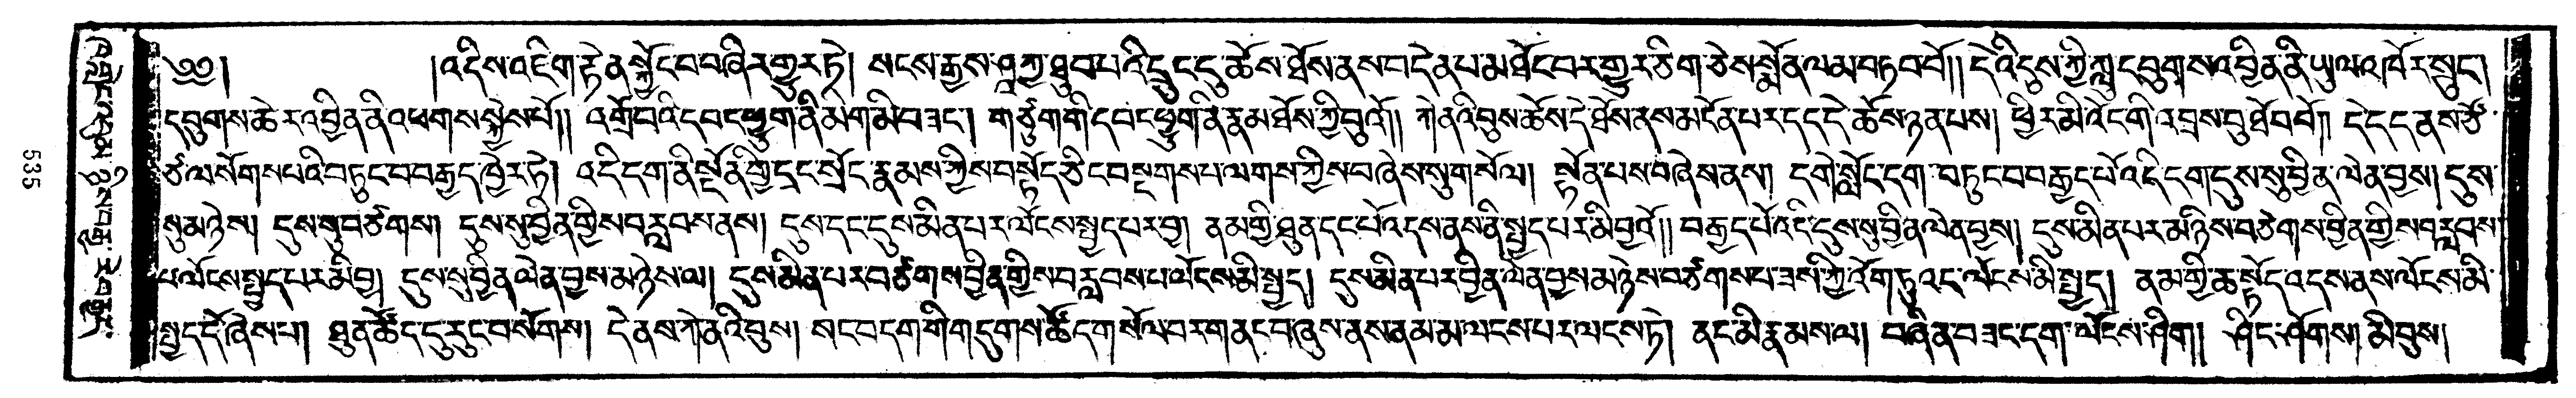༄༅། །འདིས་འཇིག་རྟེན་སྐྱོང་བ་བཞིར་གྱུར་ཏེ། སངས་རྒྱས་ཤཱཀྱ་ཐུབ་པའི་དྲུང་དུ་ཆོས་ཐོས་ནས་བདེན་པ་མཐོང་བར་གྱུར་ཅིག་ཅེས་སྨོན་ལམ་བཏབ་བོ།། དེའི་དུས་ཀྱི་ཀླུ་དབུགས་འབྱིན་ནི་ཡུལ་འཁོར་སྲུང་།
དབུགས་ཆེར་འབྱིན་ནི་འཕགས་སྐྱེས་པོ།། འགྲོ་བའི་དབང་ཕྱུག་ནི་མིག་མི་བཟང་། གཙུག་གི་དབང་ཕྱུག་ནི་རྣམ་ཐོས་ཀྱི་བུའོ།། ཀེ་ནའི་བུས་ཆོས་དེ་ཐོས་ནས་མངོན་པར་དང་དེ་ཆོས་ཉན་པས། ཕྱིར་མི་འོང་གི་འབྲས་བུ་ཐོབ་བོ།། དེ་དད་ནས་ཙོ་
ཙ་ལ་སོགས་པའི་བཏུང་བ་བརྒྱད་ཁྱེར་ཏེ། འདི་དག་ནི་སྔོན་གྱི་དྲང་སྲོང་རྣམས་ཀྱིས་བསྟོད་ཅིང་བསྔགས་པ་ལགས་ཀྱིས་བཞེས་སུ་གསོལ། སྟོན་པས་བཞེས་ནས། དགེ་སློང་དག་བཏུང་བ་བརྒྱད་པོ་འདི་དག་དུས་སུ་བྱིན་ལེན་བྱས། དུས་
སུ་མཉེས། དུས་སུ་བཙགས། དུས་སུ་བྱིན་གྱིས་བརླབས་ནས། དུས་དང་དུས་མིན་པར་ལོངས་སྤྱད་པར་བྱ། ནམ་གྱི་ཐུན་དང་པོ་འདས་ནས་ནི་སྤྱད་པར་མི་བྱའོ།། བརྒྱད་པོ་འདི་དུས་སུ་བྱིན་ལེན་བྱས། དུས་མིན་པར་མཉིས་བཅེགས་བྱིན་གྱིས་བརླབས་
པ་ལོངས་སྤྱད་པར་མི་བྱ། དུས་སུ་བྱིན་ལེན་བྱས་མཉེས་ལ། དུས་མིན་པར་བཙགས་བྱིན་གྱིས་བརླབས་པ་ལོངས་མི་སྤྱད། དུས་མིན་པར་བྱིན་ལེན་བྱས་མཉེས་བཙགས་པ་ཟས་ཀྱི་འོག་ཏུའང་ལོངས་མི་སྤྱད། ནམ་གྱི་ཆ་སྟོད་འདས་ནས་ལོངས་མི་
སྤྱད་དོ་ཞེས་པ། ཐུན་ཚོད་དུ་རུང་བ་སོགས། དེ་ནས་ཀེ་ནའི་བུས། སང་བདག་གི་གདུགས་ཚོད་གསོལ་བར་གནང་བ་ཞུས་ནས་ནམ་མ་ལངས་པར་ལངས་ཏེ། ནང་མི་རྣམས་ལ། བཞིན་བཟང་དག་ལོངས་ཤིག། ཤིང་ཤོགས། མི་བུས།